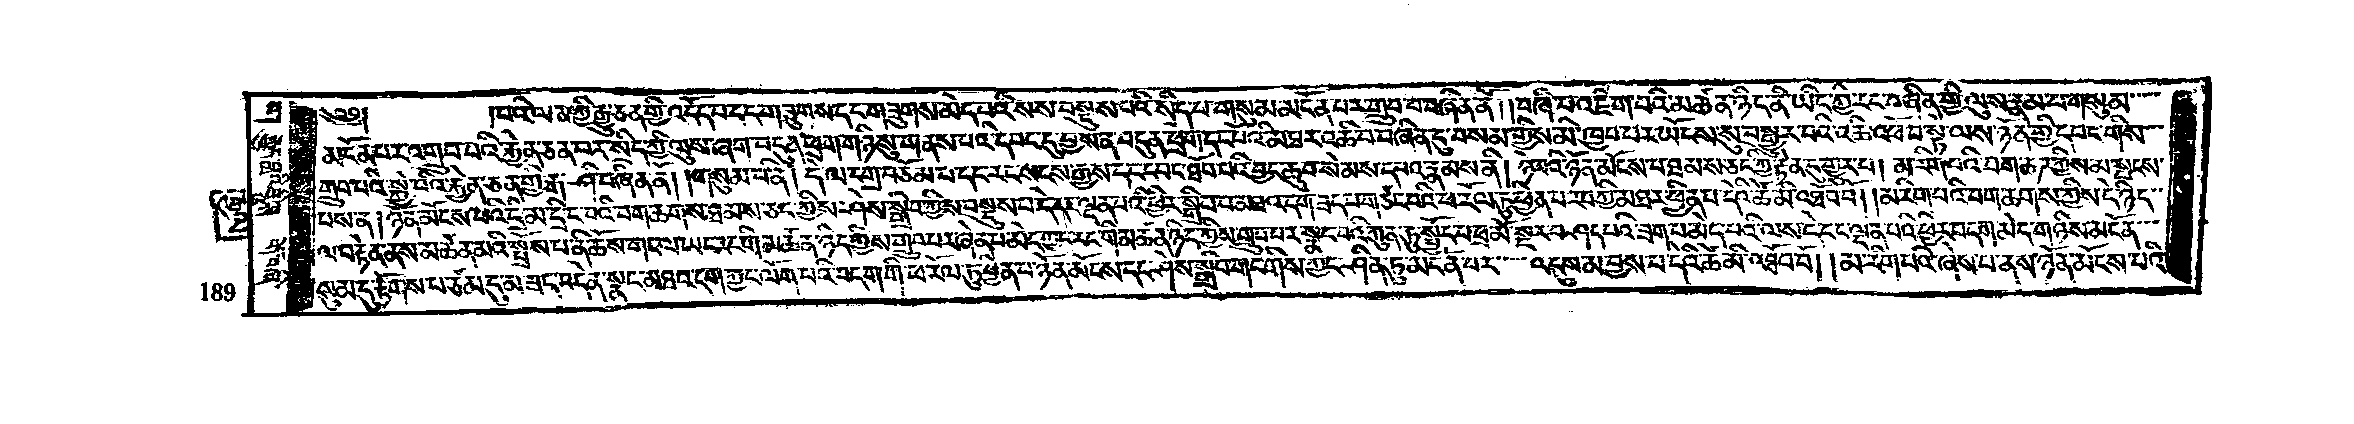༄༅། །པའི་ལམ་གྱི་རྒྱུ་ཅན་གྱི་འདོད་པ་དང་གཟུགས་དང་གཟུགས་མེད་པའི་སས་བསྡུས་པའི་སྲིད་པ་གསུམ་མངོན་པར་གྲུབ་པ་བཞིན་ནོ། །བཞི་པ་འཇིག་པའི་མཚན་ཉིད་ནི་ཡིད་ཀྱི་རང་བཞིན་གྱི་ལུས་རྣམ་པ་གསུམ་
མངོན་པར་འགྲུབ་པའི་རྐྱེན་ཅན་བར་སྲིད་ཀྱི་ལུས་ཞག་བདུན་ཕྲག་གཉིས་སུ་གནས་པའི་དབང་དུ་བྱས་ན་བདུན་ཕྲག་དང་པོའི་མཐར་འཆི་བ་བཞིན་དུ་བསམ་གྱིས་མི་ཁྱབ་པར་ཡོངས་སུ་བསྒྱུར་བའི་འཆི་འཕོ་བ་སྟེ་ལས་ཉོན་གྱི་དབང་གིས་
གྲུབ་པའི་སྐྱེ་བའི་རྐྱེན་ཅན་གྱི་རྒ་ཤི་བཞིན་ནོ། །གསུམ་པ་ནི། དེ་ལ་དགྲ་བཅོམ་པ་དང་རང་སངས་རྒྱས་དང་དབང་ཐོབ་པའི་བྱང་ཆུབ་སེམས་དཔའི་རྣམས་ནི། ཉེ་བའི་ཉོན་མོངས་པ་ཐམས་ཅད་ཀྱི་རྟེན་དུ་གྱུར་པ། མ་རིག་པའི་བག་ཆགས་ཀྱིས་མ་སྤངས་
པས་ན། ཉོན་མོངས་པའི་དྲི་མ་དྲི་ང་བའི་བག་ཆགས་ཐམས་ཅད་ཀྱིས་ཤེས་སྒྲིབ་ཀྱིས་བསྡུས་པ་དེ་དང་ལྡན་པའི་ཕྱིར་སྒྲིབ་པ་མཐའ་དག་ཟད་པ་གཙང་བའི་ཕ་རོལ་ཏུ་ཕྱིན་པ་རབ་ཀྱི་མཐར་ཕྱིན་པ་དེའི་ཚེ་མི་འཐོབ་བོ། །མ་རིག་པའི་བག་ཆགས་ཀྱིས་དེ་ཉིད་
ལ་བརྟེན་ནས་མཚན་མའི་སྤྲོས་པ་ནི་ཆོས་གང་ལ་ཡང་རང་གི་མཚན་ཉིད་ཀྱིས་གྲུབ་པར་ཞེན་པ་མེད་ཀྱང་རང་གི་མཚན་ཉིད་ཀྱིས་གྲུབ་པར་སྣང་བའི་ཀུན་ཏུ་སྤྱོད་པ་ཕྲ་མོ་སྔར་བཤད་པའི་ཟག་པ་མེད་པའི་ལས་དེ་དང་ལྡན་པའི་ཕྱིར་བདག་མེད་གཉིས་མངོན་
སུམ་དུ་རྟོགས་པ་ཙམ་དུ་མ་ཟད་བདེན་སྣང་མཐའ་དག་ཀྱང་ལོག་པའི་བདག་གི་ཕ་རོལ་ཏུ་ཕྱིན་པ་ཉོན་མོངས་དང་ཤེས་སྒྲིབ་གང་གིས་ཀྱང་ཤིན་ཏུ་མངོན་པར་འདུས་མ་བྱས་པ་དེའི་ཚེ་མི་འཐོབ་བོ། །མ་རིག་པའི་ཞེས་པ་ནས་ཉོན་མོངས་པའི་